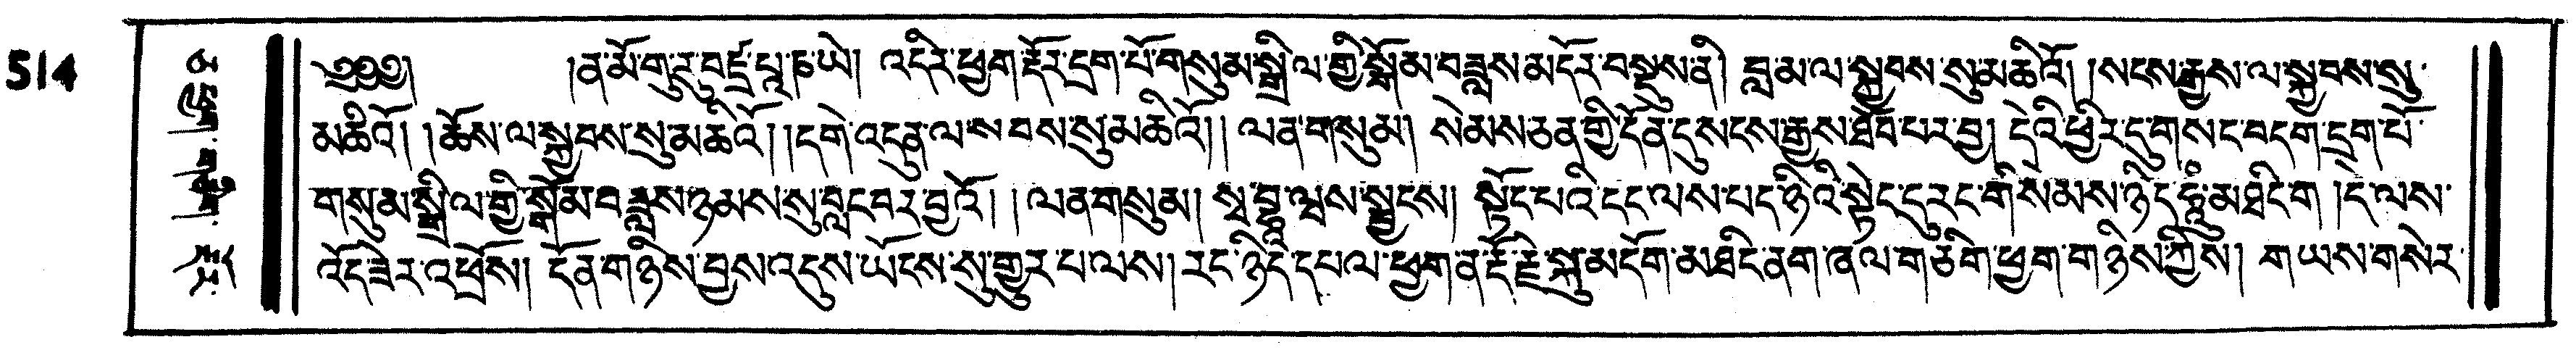༄༅༅། །ན་མོ་གུ་རུ་བཛྲ་པཱ་ཎ་ཡེ། འདིར་ཕྱག་རྡོར་དྲག་པོ་གསུམ་སྒྲིལ་གྱི་སྒོམ་བཟླས་མདོར་བསྡུས་ནི། བླ་མ་ལ་སྐྱབས་སུ་
མཆིའོ། །སངས་རྒྱས་ལ་སྐྱབས་སུ་མཆིའོ། །ཆོས་ལ་སྐྱབས་སུ་མཆིའོ། །དགེ་འདུན་ལ་སྐྱབས་སུ་མཆིའོ། །ལན་གསུམ། སེམས་ཅན་གྱི་དོན་དུ་སངས་རྒྱས་ཐོབ་པར་བྱ། དེའི་ཕྱིར་དུ་གསང་བདག་དྲག་པོ་
གསུམ་སྒྲིལ་གྱི་སྒོམ་བཟླས་ཉམས་སུ་བླང་བར་བྱའོ། །ལན་གསུམ། སྭ་བྷཱ་ལྦས་སྦྱངས། སྟོང་པའི་དང་ལས་པད་ཉིའི་སྟེང་དུ་རང་གི་སེམས་ཉིད་ཧཱུཾ་མཐིང་ག །དེ་ལས་
འོད་ཟེར་འཕྲོས། དོན་གཉིས་བྱས་འདུས་ཡོངས་སུ་གྱུར་པ་ལས། རང་ཉིད་དཔལ་ཕྱག་ན་རྡོ་རྗེ་སྐུ་མདོག་མཐིང་ནག་ཞལ་གཅིག་ཕྱག་གཉིས་ཀྱིས། གཡས་གསེར་